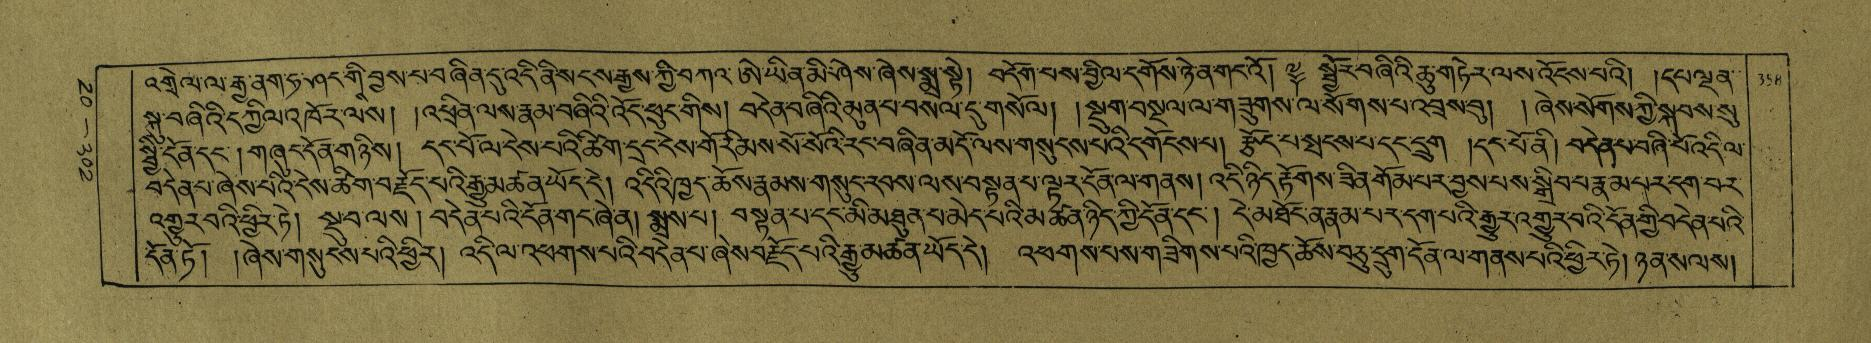འགྲེལ་ལ་རྒྱ་ནག་ཧ་ཤང་གིས་བྱས་པ་བཞིན་དུ་འདི་ནི་སངས་རྒྱས་ཀྱི་བཀའ་ཨེ་ཡིན་མི་ཤེས་ཞེས་སྨྲ་སྟེ། བདོག་པས་བྱིལ་དགོས་ཉེ་ན་གང་འོ། ༈ སྦྱོར་བཞིའི་ཆུ་གཏེར་ལས་འོངས་པའི། །དཔལྡན་
སྐུ་བཞིའི་དཀྱིལ་འཁོར་ལས། །འཕྲིན་ལས་རྣམ་བཞིའི་འོད་ཕུང་གིས། བདེན་བཞིའི་མུན་པ་བསལ་དུ་གསོལ། །སྡུག་བསྔལ་ལ་གཟུགས་ལ་སོགས་པ་འབྲས་བུ། །ཞེས་སོགས་ཀྱི་སྐབས་སུ་
སྦྱི་དོན་དང་། གཞུང་དོན་གཉིས། དང་པོ་ལ་ངེས་པའི་ཚིག་དྲང་ངེས་གོ་རིམས་སོ་སོའི་རང་བཞིན་མདོ་ལས་གསུངས་པའི་དགོངས་པ། རྩོད་པ་སྤངས་པ་དང་དྲུག །དང་པོ་ནི། བདེན་པ་བཞི་པོ་འདི་ལ་
བདེན་པ་ཞེས་པའི་ངེས་ཚིག་བརྗོད་པའི་རྒྱུ་མཚན་ཡོད་དེ། འདིའི་ཁྱད་ཆོས་རྣམས་གསུང་རབས་ལས་བསྟན་པ་ལྟར་དོན་ལ་གནས། འདི་ཉིད་རྟོགས་ཟིན་གོམ་པར་བྱས་པས་སྒྲིབ་པ་རྣམ་པར་དག་པར་
འགྱུར་བའི་ཕྱིར་ཏེ། སྡུ་བ་ལས། བདེན་པའི་དོན་གང་ཞེ་ན། སྨྲས་པ། བསྟན་པ་དང་མི་མཐུན་པ་མེད་པའི་མཚན་ཉིད་ཀྱི་དོན་དང་། དེ་མཐོང་ན་རྣམ་པར་དག་པའི་རྒྱུར་འགྱུར་བའི་དོན་གྱི་བདེན་པའི་
དོན་ཏོ། །ཞེས་གསུངས་པའི་ཕྱིར། འདི་ལ་འཕགས་པའི་བདེན་པ་ཞེས་བརྗོད་པའི་རྒྱུ་མཚན་ཡོད་དེ། འཕགས་པས་གཟིགས་པའི་ཁྱད་ཆོས་བཅུ་དྲུག་དོན་ལ་གནས་པའི་ཕྱིར་ཏེ། ཉན་ས་ལས།